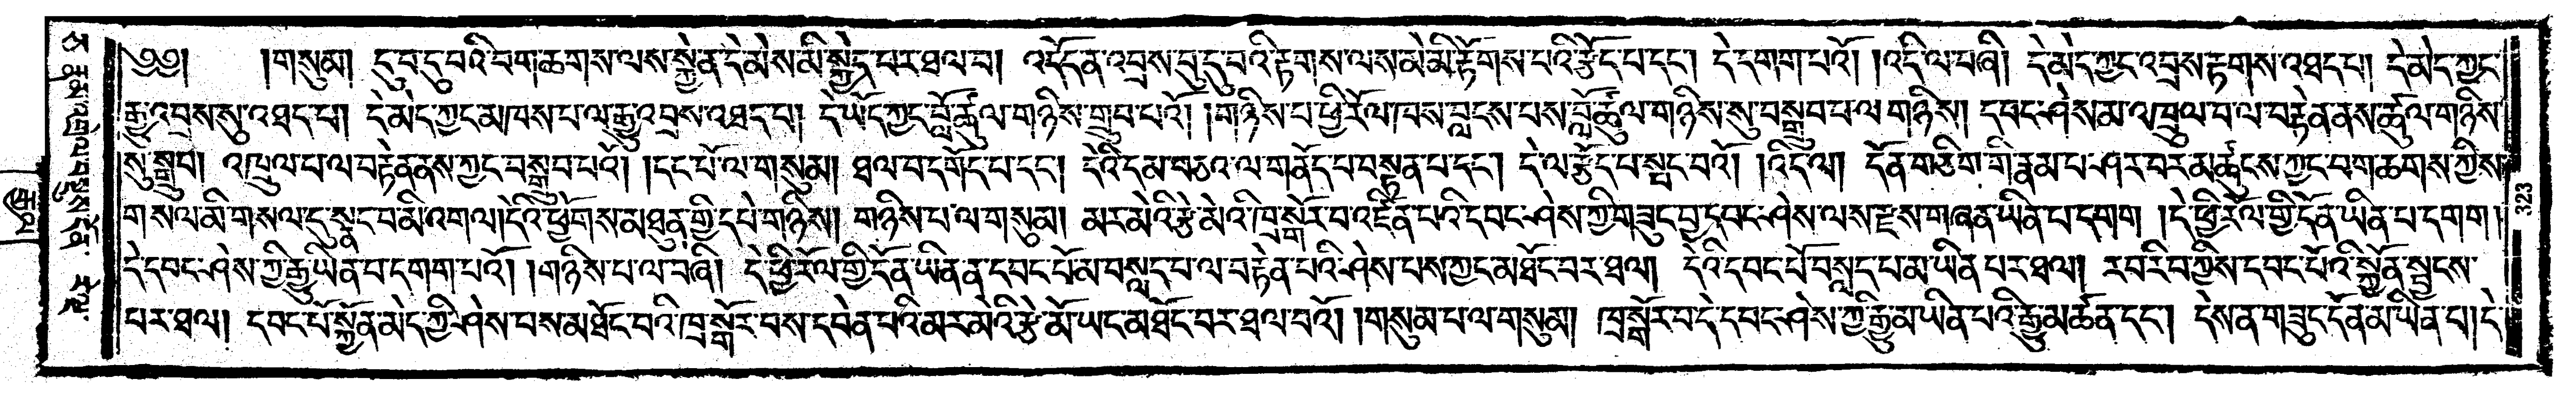༄༅། །གསུམ། དུ་བ་དུ་བའི་བག་ཆགས་ལས་སྐྱེ་ན་དེ་མེས་མི་སྐྱེད་པར་ཐལ་བ། འདོད་ན་འབྲས་བུ་དུ་བའི་རྟགས་ལས་མེ་མི་རྟོགས་པའི་རྩོད་པ་དང་། དེ་དགག་པའོ། །འདི་ལ་བཞི། དེ་མེད་ཀྱང་འབྲས་རྟགས་འཐད་པ། དེ་མེད་ཀྱང་
རྒྱུ་འབྲས་སུ་འཐད་པ། དེ་མེད་ཀྱང་མཁས་པ་ལ་རྒྱུ་འབྲས་འཐད་པ། དེ་ཡོད་ཀྱང་བློ་ཚུལ་གཉིས་གྲུབ་པའོ། །གཉིས་པ་ཕྱི་རོལ་ཁས་བླངས་པས་བློ་ཚུལ་གཉིས་སུ་བསྒྲུབ་པ་ལ་གཉིས། དབང་ཤེས་མ་འཁྲུལ་བ་ལ་བརྟེན་ནས་ཚུལ་གཉིས་
སུ་སྒྲུབ། འཁྲུལ་པ་ལ་བརྟེན་ནས་ཀྱང་བསྒྲུབ་པའོ། །དང་པོ་ལ་གསུམ། ཐལ་བ་དགོད་པ་དང་། དེའི་དམ་བཅའ་ལ་གནོད་པ་བསྟན་པ་དང་། དེ་ལ་རྩོད་པ་སྤང་བའོ། །འདི་ལ། དོན་གཅིག་གི་རྣམ་པ་ཤར་བར་མཚུངས་ཀྱང་བག་ཆགས་ཀྱིས་
གསལ་མི་གསལ་དུ་སྣང་བ་མི་འགལ། དེའི་ཕྱོགས་མཐུན་གྱི་དཔེ་གཉིས། གཉིས་པ་ལ་གསུམ། མར་མེའི་རྩེ་མེའི་ཁྲ་སྒོར་བ་འཛིན་པའི་དབང་ཤེས་ཀྱི་གཟུང་བྱ་དབང་ཤེས་ལས་རྫས་གཞན་ཡིན་པ་དགག །དེ་ཕྱི་རོལ་གྱི་དོན་ཡིན་པ་དགག །
དེ་དབང་ཤེས་ཀྱི་རྒྱུ་ཡིན་པ་དགག་པའོ། །གཉིས་པ་ལ་བཞི། དེ་ཕྱི་རོལ་གྱི་དོན་ཡིན་ན་དབང་པོ་མ་བསླད་པ་ལ་བརྟེན་པའི་ཤེས་པས་ཀྱང་མཐོང་བར་ཐལ། དེའི་དབང་པོ་བསླད་པ་མ་ཡིན་པར་ཐལ། རབ་རིབ་ཀྱིས་དབང་པོའི་སྐྱོན་སྦྱངས་
པར་ཐལ། དབང་པོ་སྐྱོན་མེད་ཀྱི་ཤེས་པས་མཐོང་བའི་ཁྲ་སྒོར་བས་དབེན་པའི་མར་མེའི་རྩེ་མོ་ཡང་མཐོང་བར་ཐལ་བའོ། །གསུམ་པ་ལ་གསུམ། ཁྲ་སྒོར་བ་དེ་དབང་ཤེས་ཀྱི་རྒྱུ་མ་ཡིན་པའི་རྒྱུ་མཚན་དང་། དེས་ན་གཟུང་དོན་མ་ཡིན་པ། དེ་